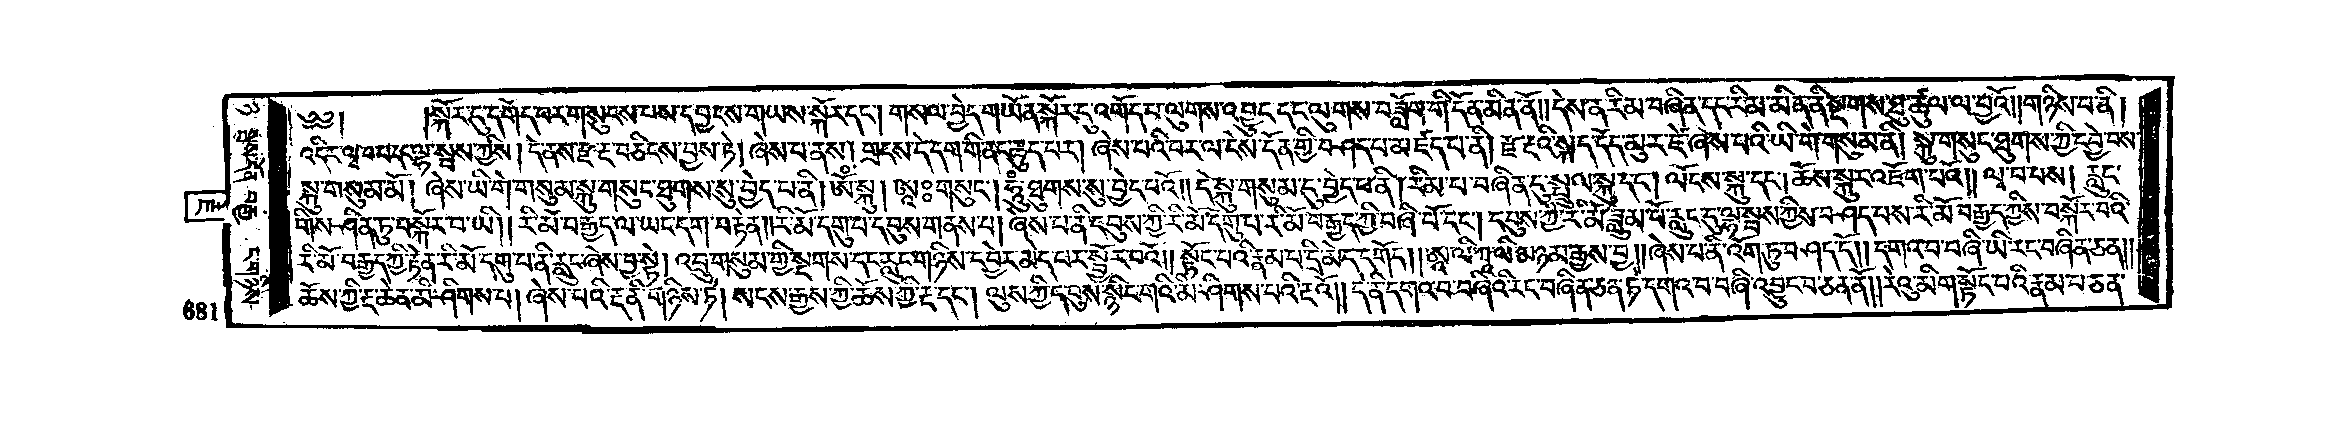༄༅། །སྐོར་དུ་དགོད་པར་གསུངས་པས་དབྱངས་གཡས་སྐོར་དང་། གསལ་བྱེད་གཡོན་སྐོར་དུ་འགོད་པ་ལུགས་འབྱུང་དང་ལུགས་བཟློག་གི་དོན་མིན་ནོ། །དེས་ན་རིམ་བཞིན་དང་རིམ་མིན་ནི་སྔགས་ཐུ་ཚུལ་ལ་བྱའོ། །གཉིས་པ་ནི།
འདིར་ལྭ་བ་པ་དང་ལྷ་སྦས་ཀྱིས། དེ་ནས་རྫ་རྔ་བཅིངས་བྱས་ཏེ། ཞེས་པ་ནས། གྲངས་དེ་དག་གི་ནང་ཆུད་པར། ཞེས་པའི་བར་ལ་ངེས་དོན་གྱི་བཤད་པ་མཛད་པ་ནི། རྫ་རྔའི་སྐད་དོད་མུ་ར་ཛེ་ཞེས་པའི་ཡི་གེ་གསུམ་ནི། སྐུ་གསུང་ཐུགས་ཀྱི་དབྱེ་བས་
སྐུ་གསུམ་མོ། ཞེས་ཡི་གེ་གསུམ་སྐུ་གསུང་ཐུགས་སུ་བྱེད་པ་ནི། ཨོཾ་སྐུ། ཨཱཿ གསུང་། ཧཱུཾ་ཐུགས་སུ་བྱེད་པའོ། །དེ་སྐུ་གསུམ་དུ་བྱེད་པ་ནི། རིམ་པ་བཞིན་དུ་སྤྲུལ་སྐུ་དང་། ལོངས་སྐུ་དང་། ཆོས་སྐུར་འཇོག་པའོ། །ལྭ་བ་པས། རླུང་
གིས་ཤིན་ཏུ་བསྐོར་བ་ཡི། །རི་མོ་བརྒྱད་ལ་ཡང་དག་བརྟེན། །རི་མོ་དགུ་པ་དབུས་གནས་པ། ཞེས་པ་ནི་དབུས་ཀྱི་རི་མོ་དགུ་པ་རི་མོ་བརྒྱད་ཀྱི་བཞི་པོ་དང་། དབུས་ཀྱི་རི་མོ་ཟླུམ་པོ་རླུང་དུ་ལྷ་སྦས་ཀྱིས་བཤད་པས་རི་མོ་བརྒྱད་ཀྱིས་བསྐོར་བའི་
རི་མོ་བརྒྱད་ཀྱི་རྟེན་རི་མོ་དགུ་པ་ནི་རླུང་ཞེས་བྱ་སྟེ། འབྲུ་གསུམ་གྱི་སྔགས་དང་རླུང་གཉིས་དབྱེར་མེད་པར་སྦྱོར་བའོ། །སྟོང་པའི་རྣམ་པ་དྲི་མེད་དགོད། །ཨཱ་ལི་ཀཱ་ལི་མཉམ་རྒྱས་བྱ། །ཞེས་པ་ནི་འོག་ཏུ་བཤད་དོ། །དགའ་བ་བཞི་ཡི་རང་བཞིན་ཅན། །
ཆོས་ཀྱི་རྔ་ཆེན་མི་ཤིགས་པ། ཞེས་པའི་རྡ་ནི་གཉིས་ཏེ། སངས་རྒྱས་ཀྱི་ཆོས་ཀྱི་རྔ་དང་། ལུས་ཀྱི་དབུས་སྙིང་གའི་མི་ཤིགས་པའི་རྔའོ། །དེ་ནི་དགའ་བ་བཞིའི་རང་བཞིན་ཅན་ཏེ་དགའ་བ་བཞི་འབྱུང་བ་ཅན་ནོ། །རེའུ་མིག་སྟོང་པའི་རྣམ་པ་ཅན་